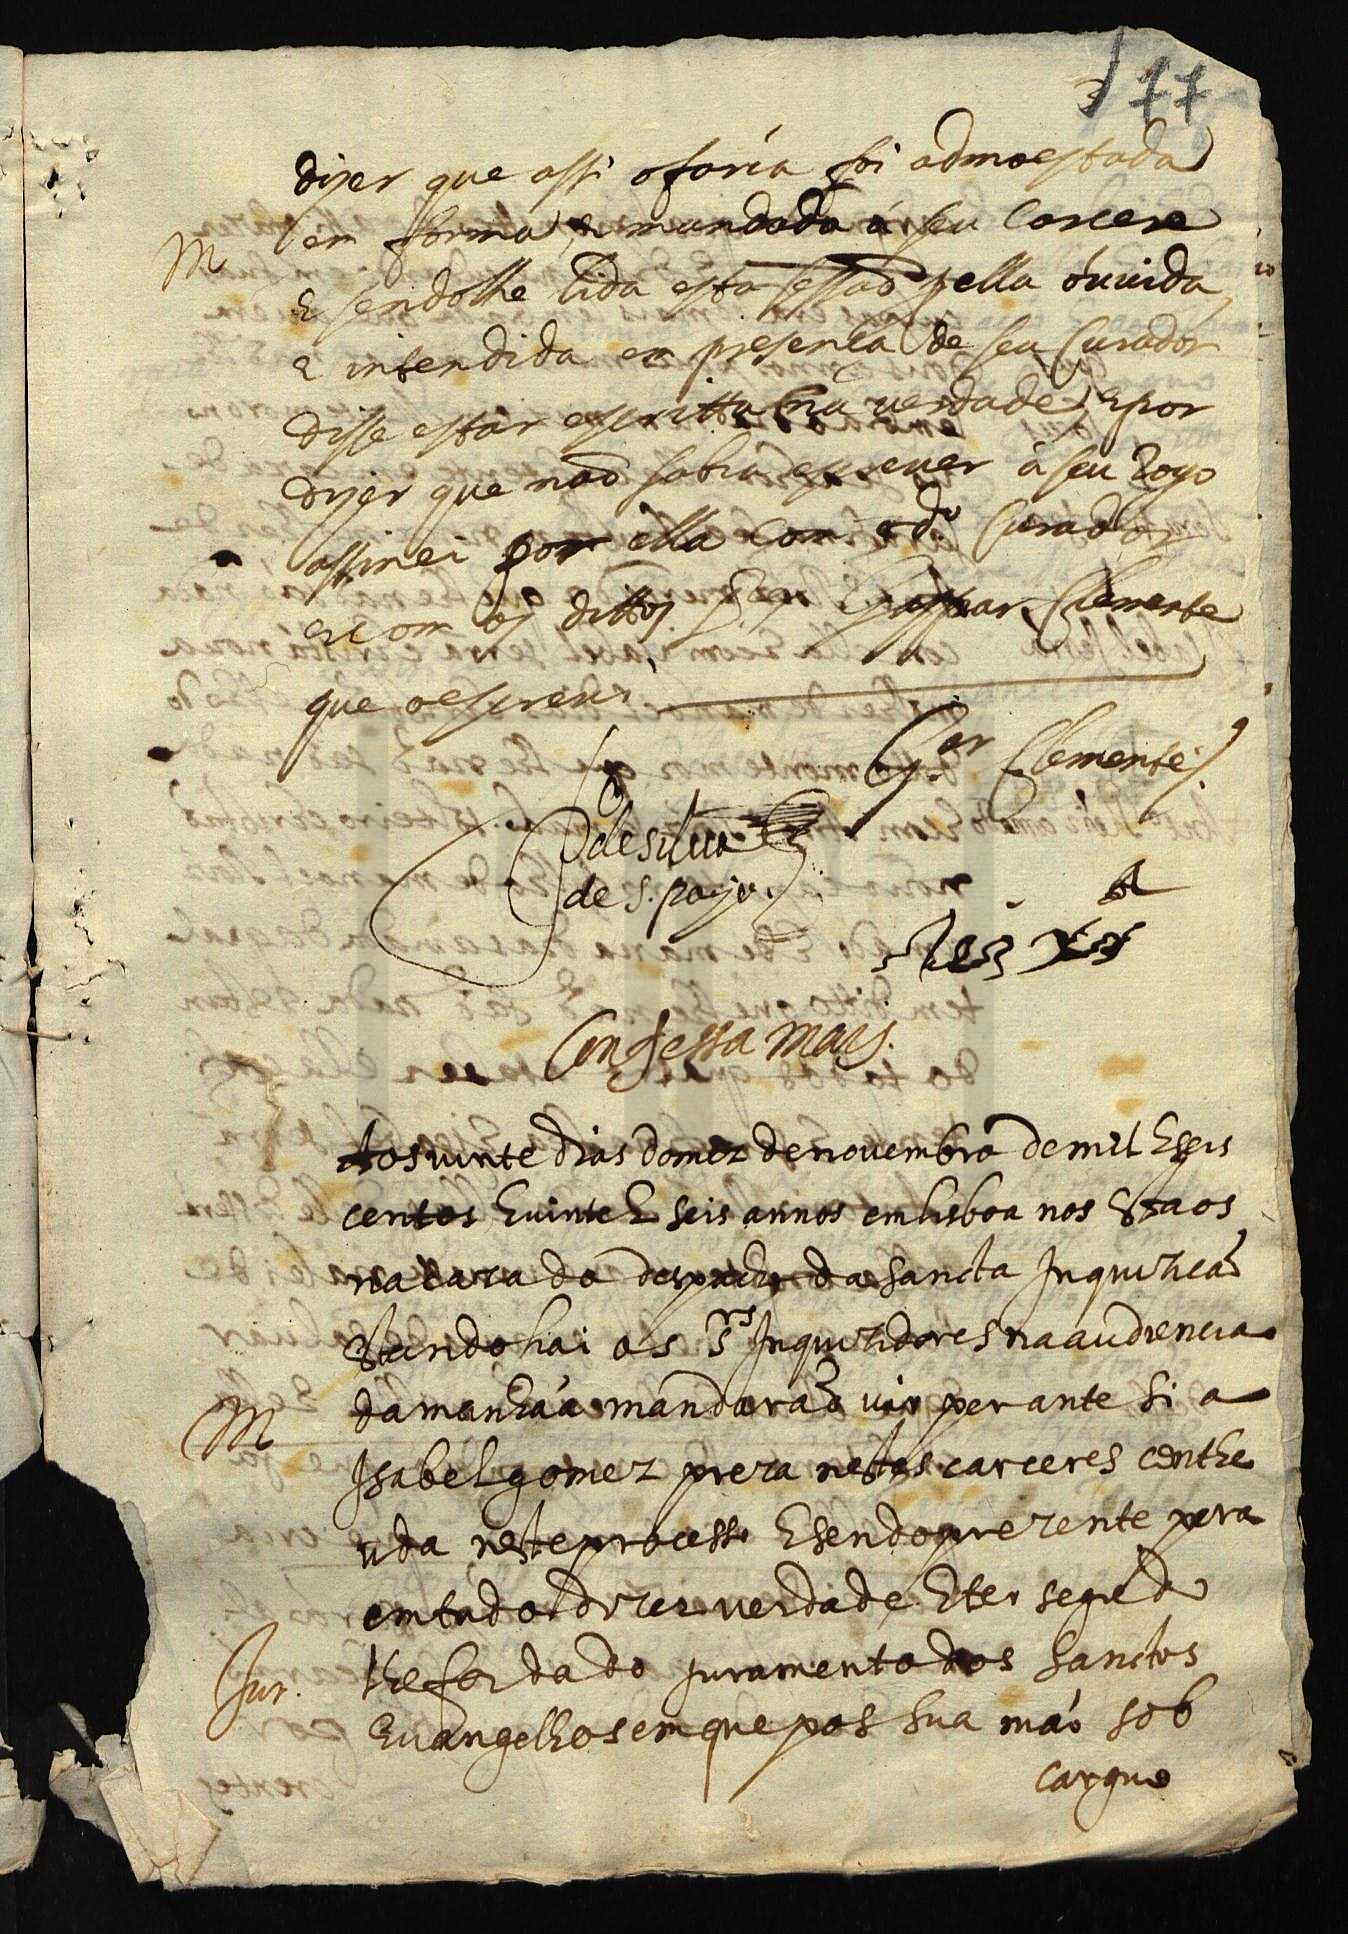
m
dizer que assi o faria foi admoestada
em forma, E mandada a seu carcere
E sendolhe lida esta sessaõ ꝓ ella ouuida,
E intendida em presença de seu Curador
disse estar escritta na uerdade E por
dizer que não sabia escreuer a seu Rogo
assinei por ella com o d.o Curador
E com os dittos pres Gaspar Clemente
que o escreui
Confessa mais.
Aos uinte dias do mez de nouembro de mil E seis
centos E uinte E seis annos em lisboa nos estaos
na caza do despacho da sancta Jnquiziçaõ
estando hai os srs Jnquizidores na audiencia
da manhaā mandaraõ uir perante si a
m
Jsabel gomez preza nestes carceres conthe
uda neste processo E sendo prezente pera
em todo dizer uerdade E ter segredo
Jur.
lhe foi dado juramento dos sanctos
Euangelhos em que pos sua maõ sob
carguo
